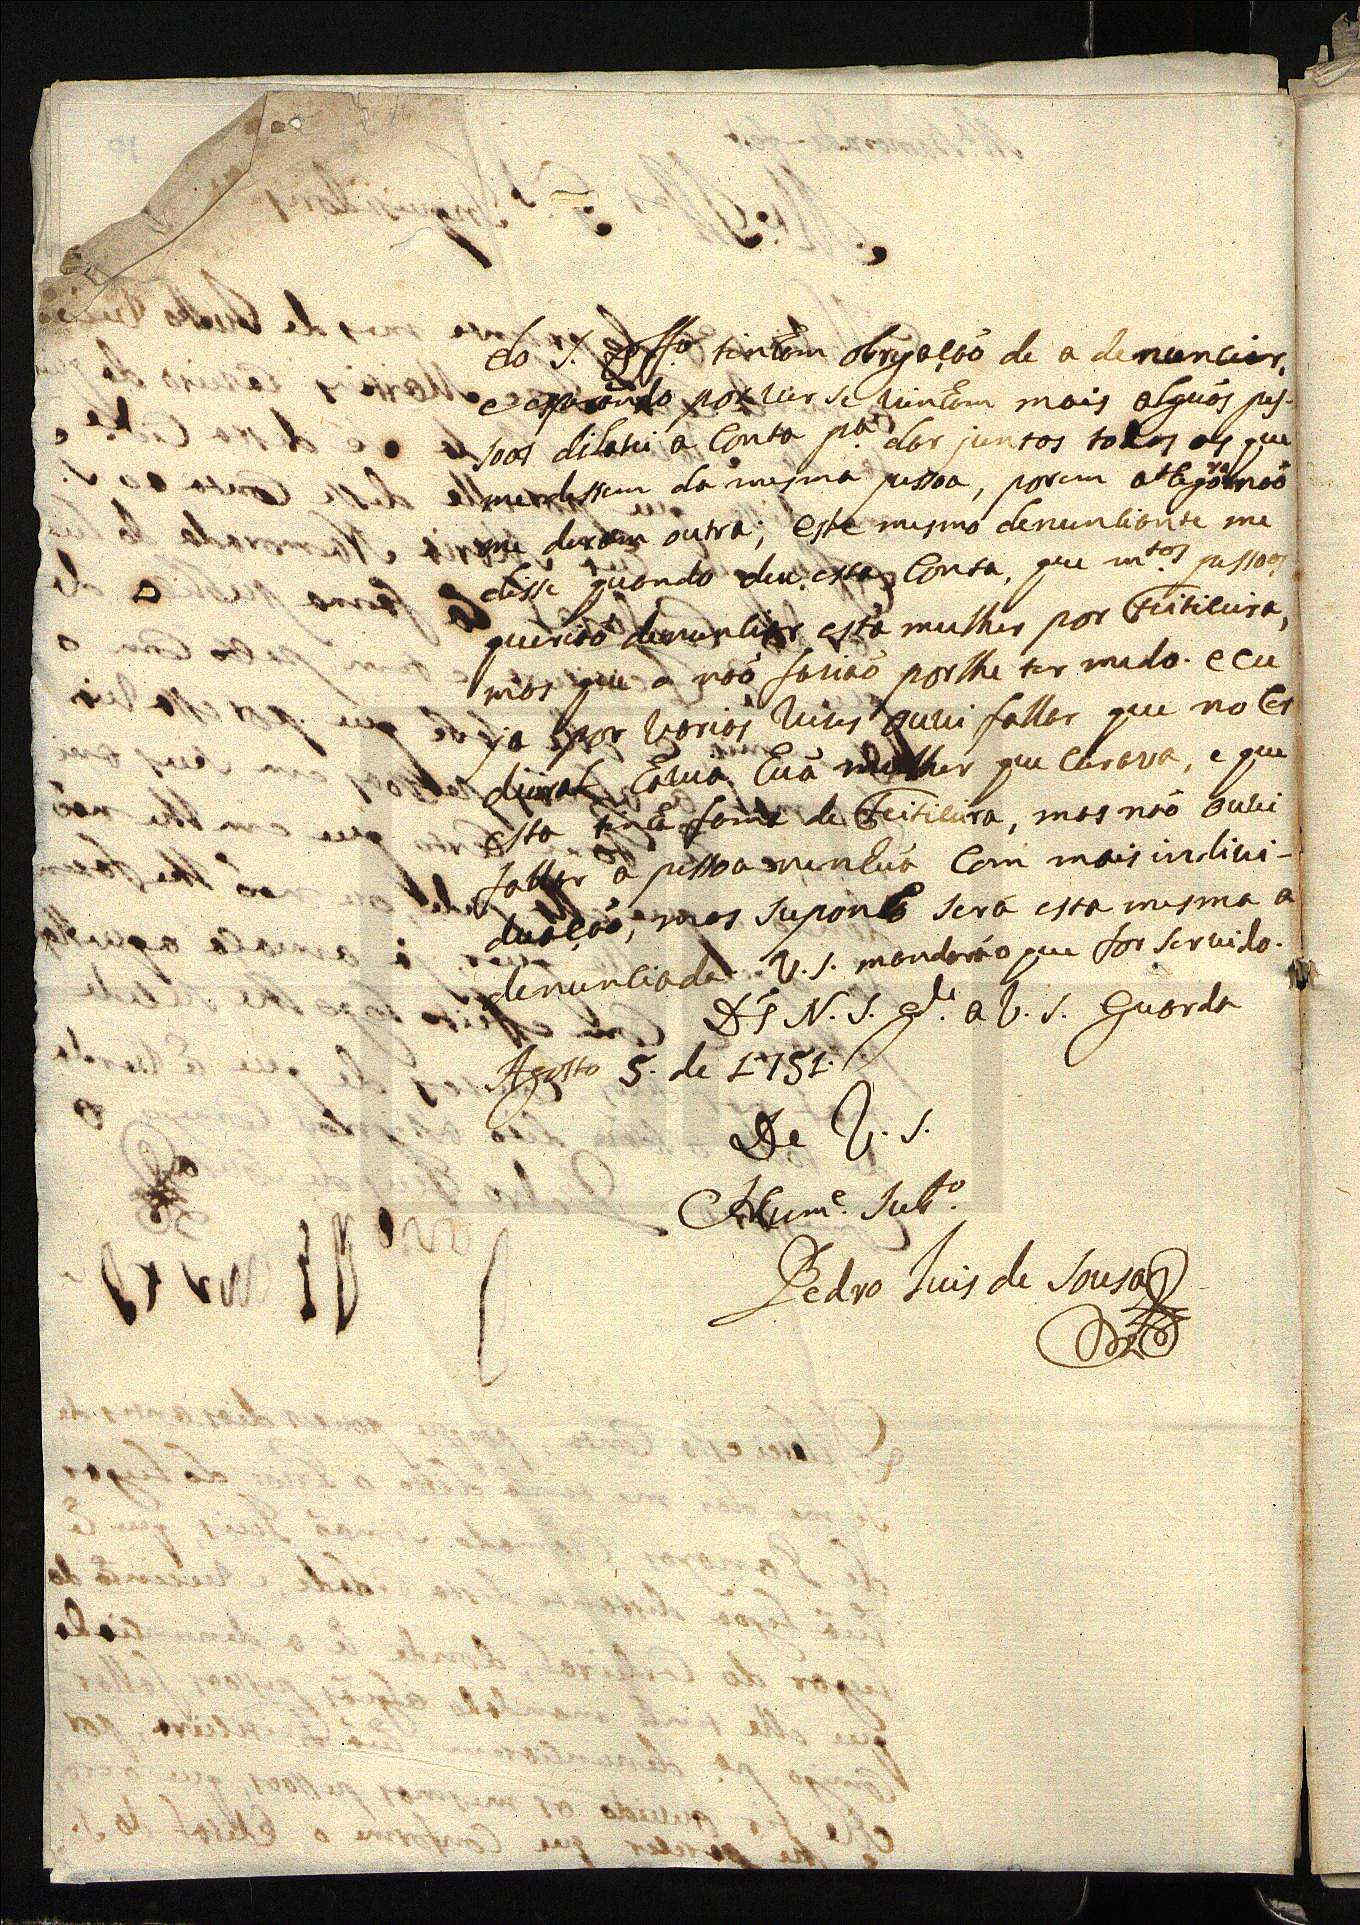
do S. Off.o tinham obrigaçaõ de a denunciar,
e esperando por uer se uinham mais alguās pes
soas dilatei a Conta p.a dar juntos todas as que
me dessem da mesma pessoa, porem athe go naõ
me deram outra; este mesmo denunciante me
disse quando deu esta Conta, que m.tas pessoas
queriaõ denunçiar esta mulher por Feiticeira,
mas que a naõ faziaõ por lhe ter medo. e cu
ja por varias uezes ouui fallar que no Cer
deiral hauia huā mulher que curava, e que
esta tinha fama de Feiticeira, mas naõ ouui
fallar a pessoa nenhuā com mais indiui
duação, mas suponho será esta mesma a
denunciada. v. s. mandarão que for seruido.
Ds̄ N. s. g.e a v. s. Guarda
Agosto 5. de 1751. //
De V. s.
Hum.e sub̄.to
Pedro Luis de Sousa
